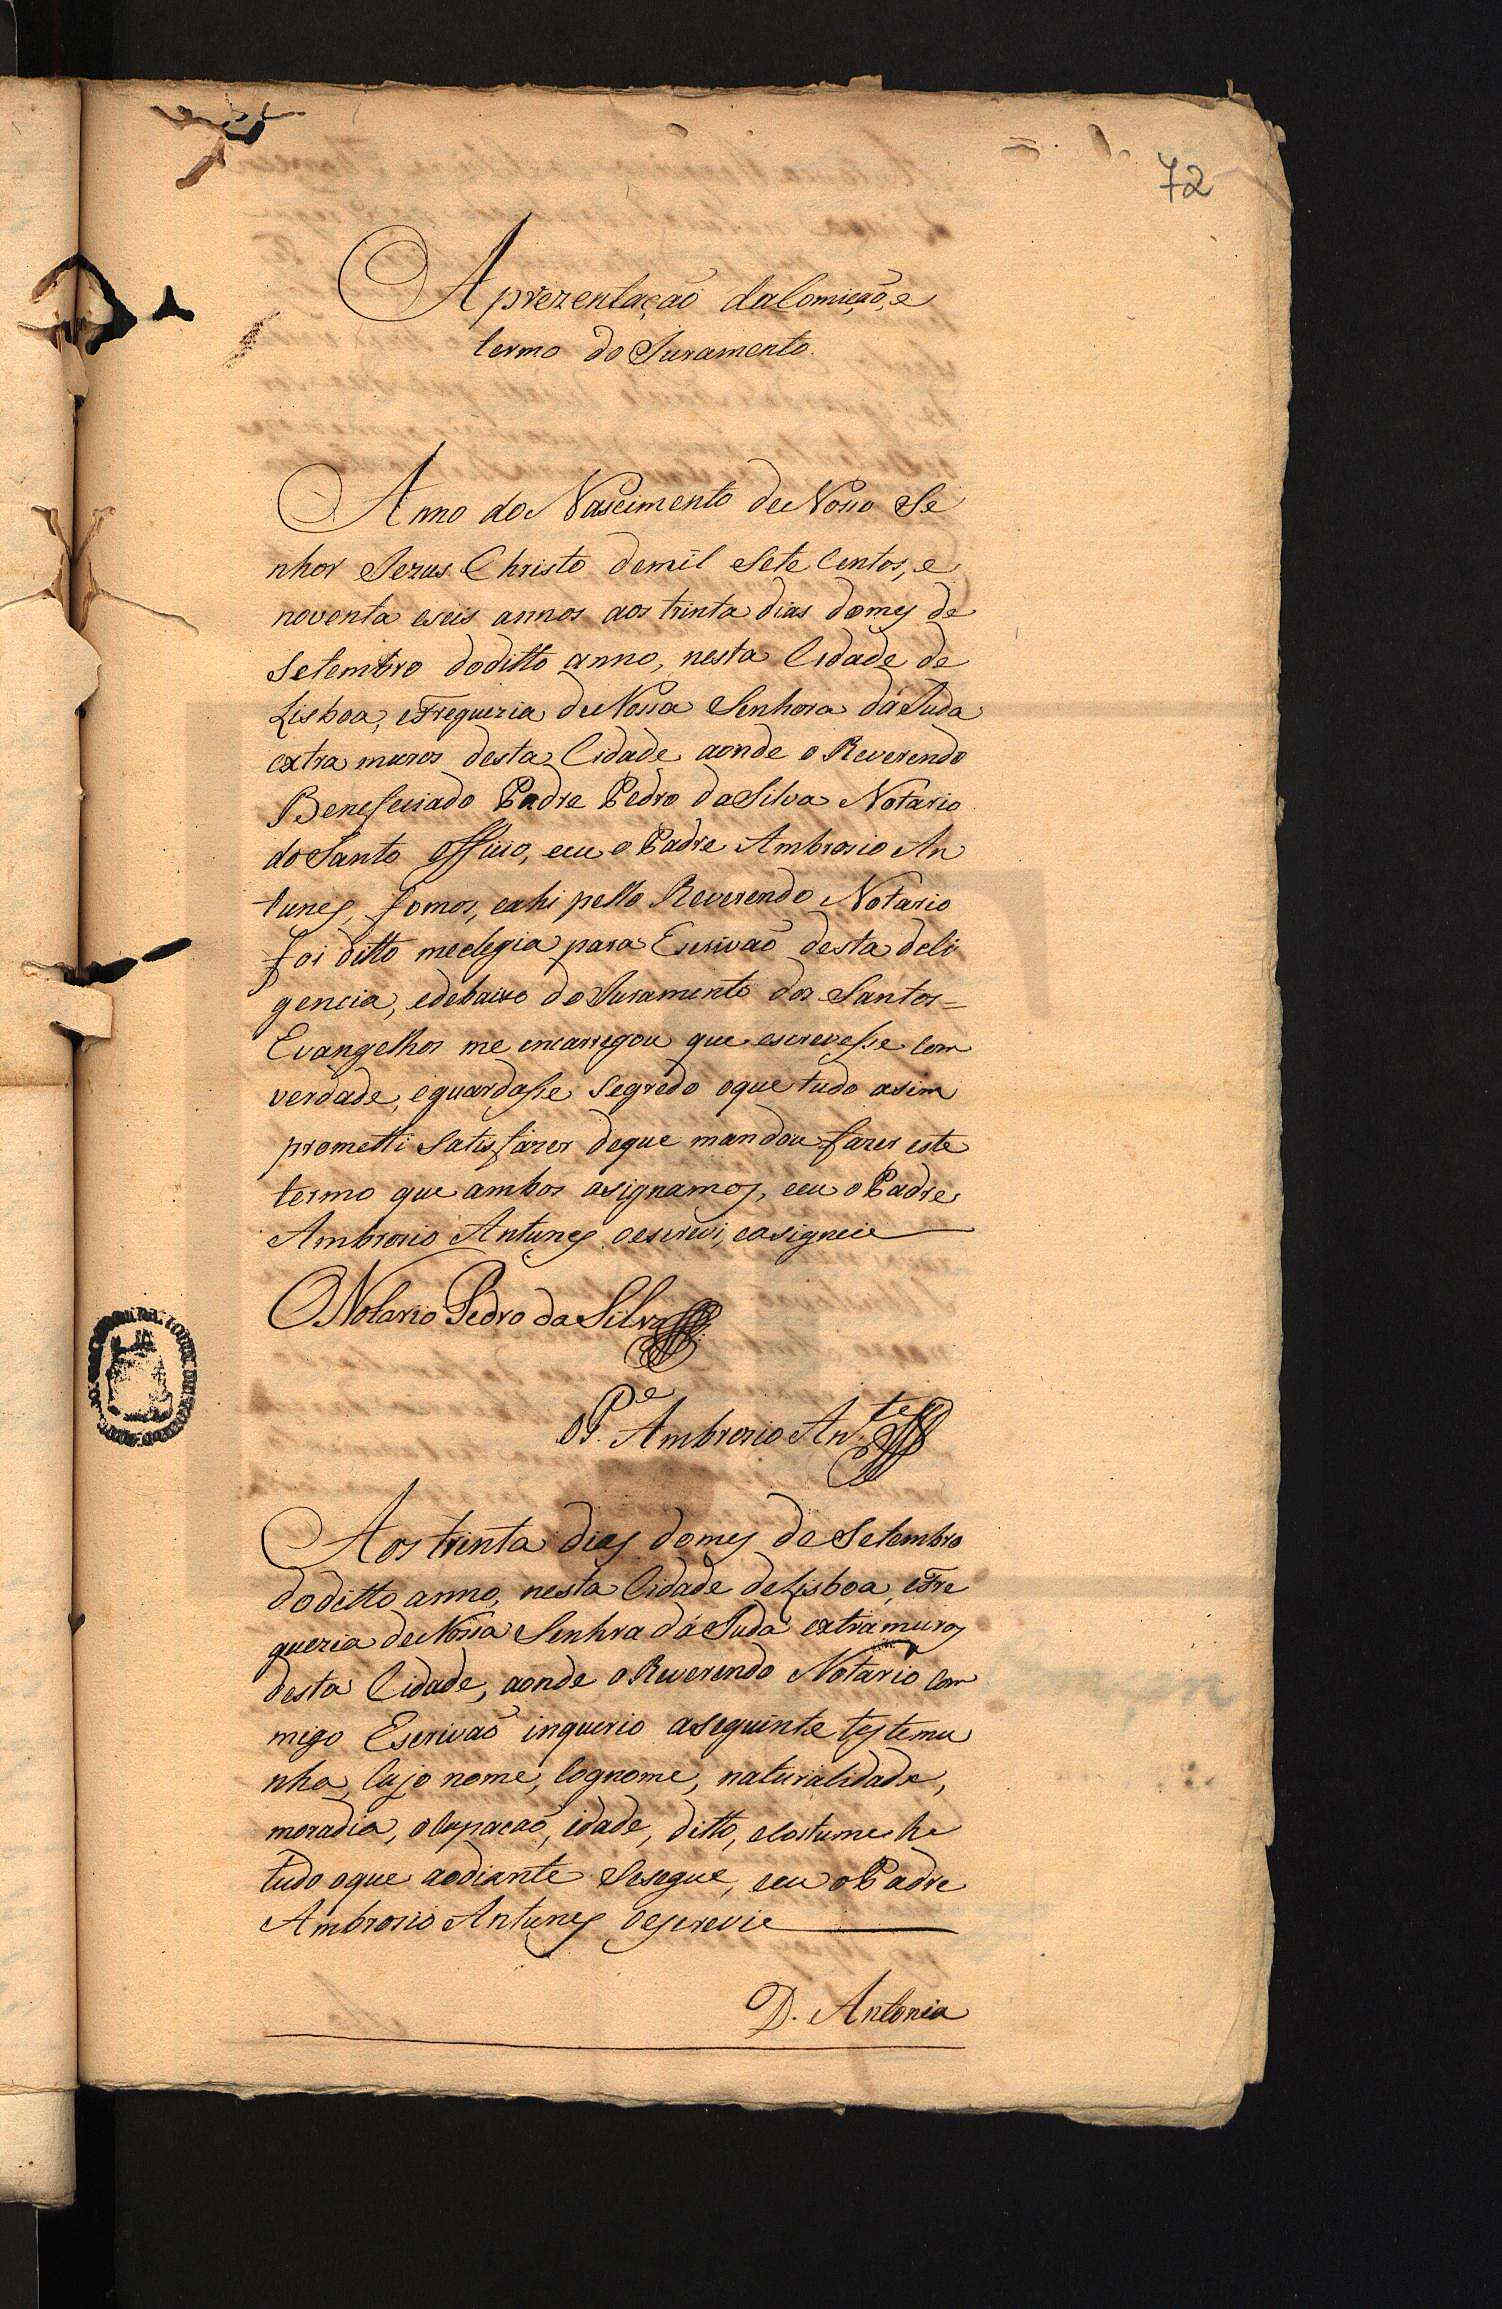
Aprezentaçaõ da Comiçaõ, e
termo do Iuramento.
Anno do Nascimento de Nosso Se
nhor Iezus Christo de mil Setecentos, e
noventa e seis annos aos trinta dias do mes de
Setembro do ditto anno, nesta Cidade de
Lisboa, e Freguezia de Nossa Senhora daIuda
extramuros desta Cidade aonde o Reverendo
Benefeciado Padre Pedro da Silva Notario
do Santo officio, e eu o Padre Ambrosio An
tunes, fomos, e ahi pello Reverendo Notario
foi ditto me elegia para Escrivaõ desta deli
gencia, e debaixo do Iuramento dos Santos
Evangelhos me encarregou que escrevesse com
verdade, e guardasse segredo o que tudo asim
prometti satisfazer de que mandou fazer este
termo que ambos asignamos, e eu o Padre
Ambrosio Antunes o escrevi, e asignei
O Notario Pedro da Silva
o Pe Ambrosio An.tes
Aos trinta dias do mes de Setembro
do ditto anno, nesta Cidade de Lisboa, e Fre
guezia de Nossa Senhora daIuda extramuros
desta Cidade, aonde o Reverendo Notario com
migo Escrivaõ inquerio a seguinte testemu
nha, cujo nome, cognome, naturalidade,
moradia, ocupaçaõ, idade, ditto, e costume he
tudo o que ao diante se segue, e eu o Padre
Ambrosio Antunes o escrevi
D. Antonia
